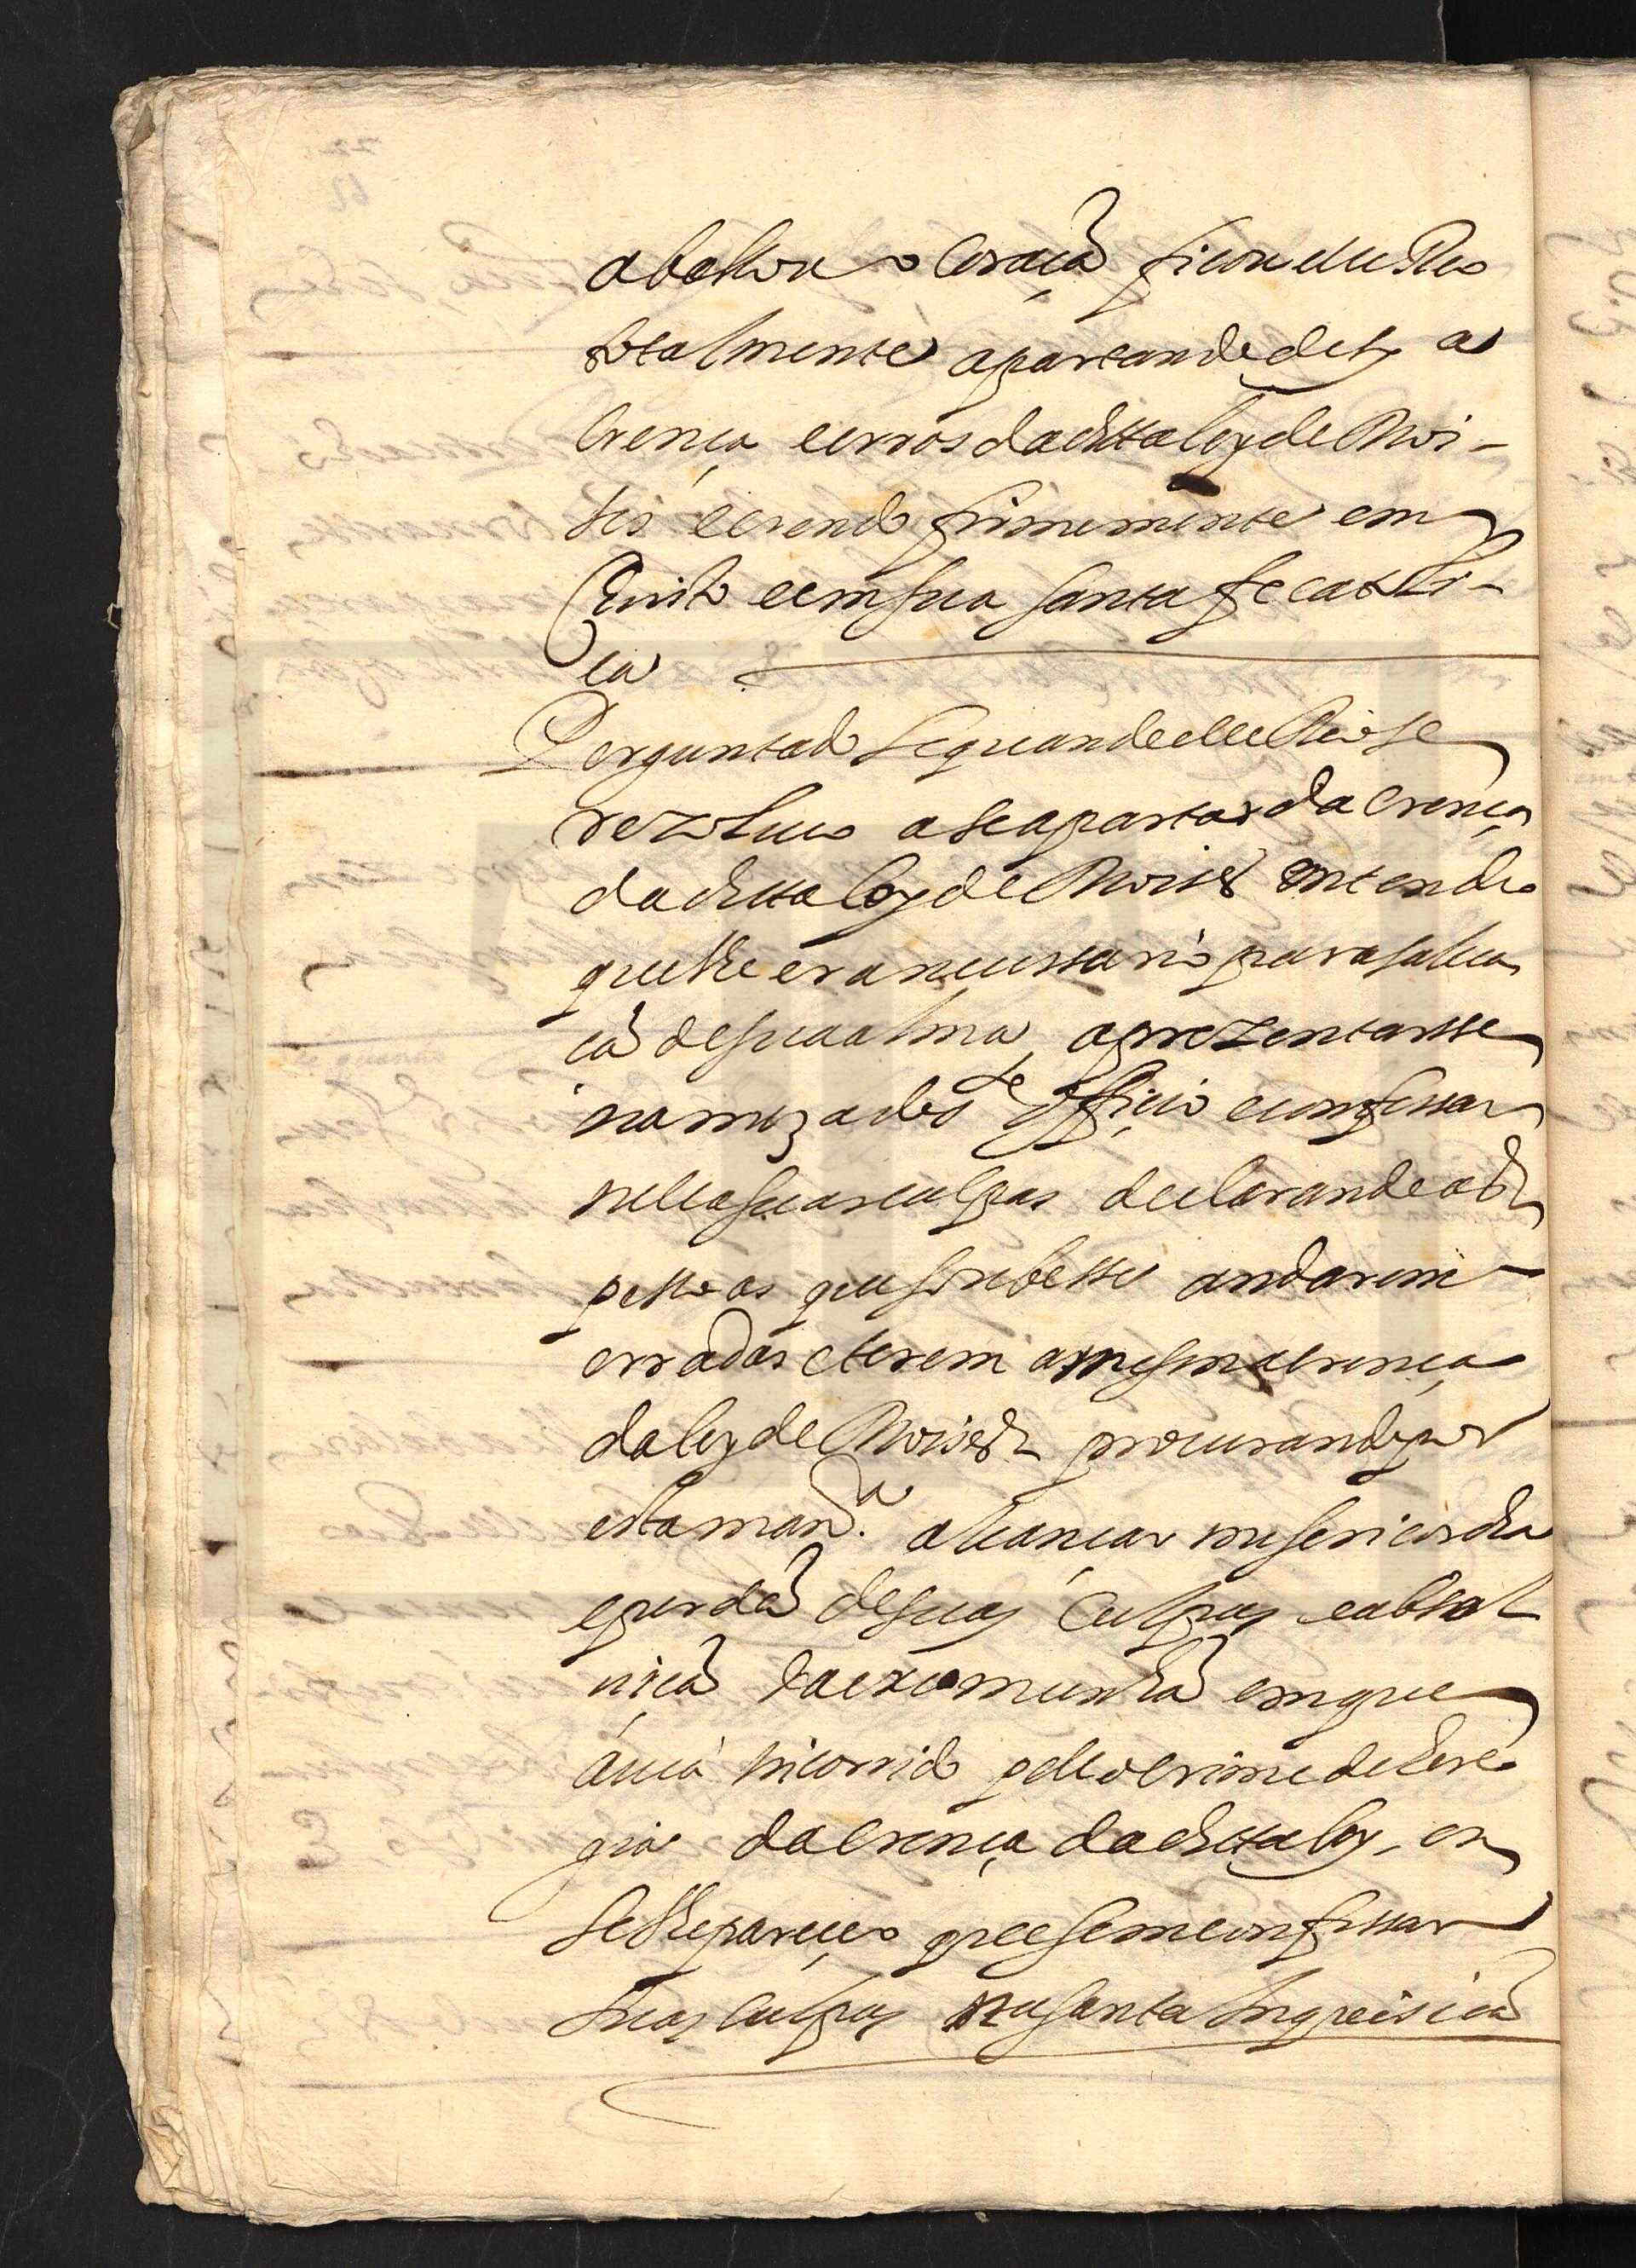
aballou o coraçaõ ficou elle Reo
totalmente apartando de sy a
crença e erros da ditta ley de Moi
ses, e crendo firmemente em
Christo e em sua santa fe catoli
ca
Perguntado se quando elle Reo se
rezolueo a se apartar da crença
da ditta ley de Moises entendeo
que lhe era necessario para salua
çaõ de sua alma aprezentarse
na meza do sto officio e confessar
nella suas culpas declarando as
pessoas que soubesse andarem
erradas e terem a mesma crença
da ley de Moises procurando por
esta man.ra alcançar misericordia
e perdaõ de suas culpas e absol
uição da excomunhão em que
auia incorrido pello crime de here
gia da crença da ditta ley, ou
se lhe pareceo que sem confessar
suas culpas na santa Inquisiçaõ
